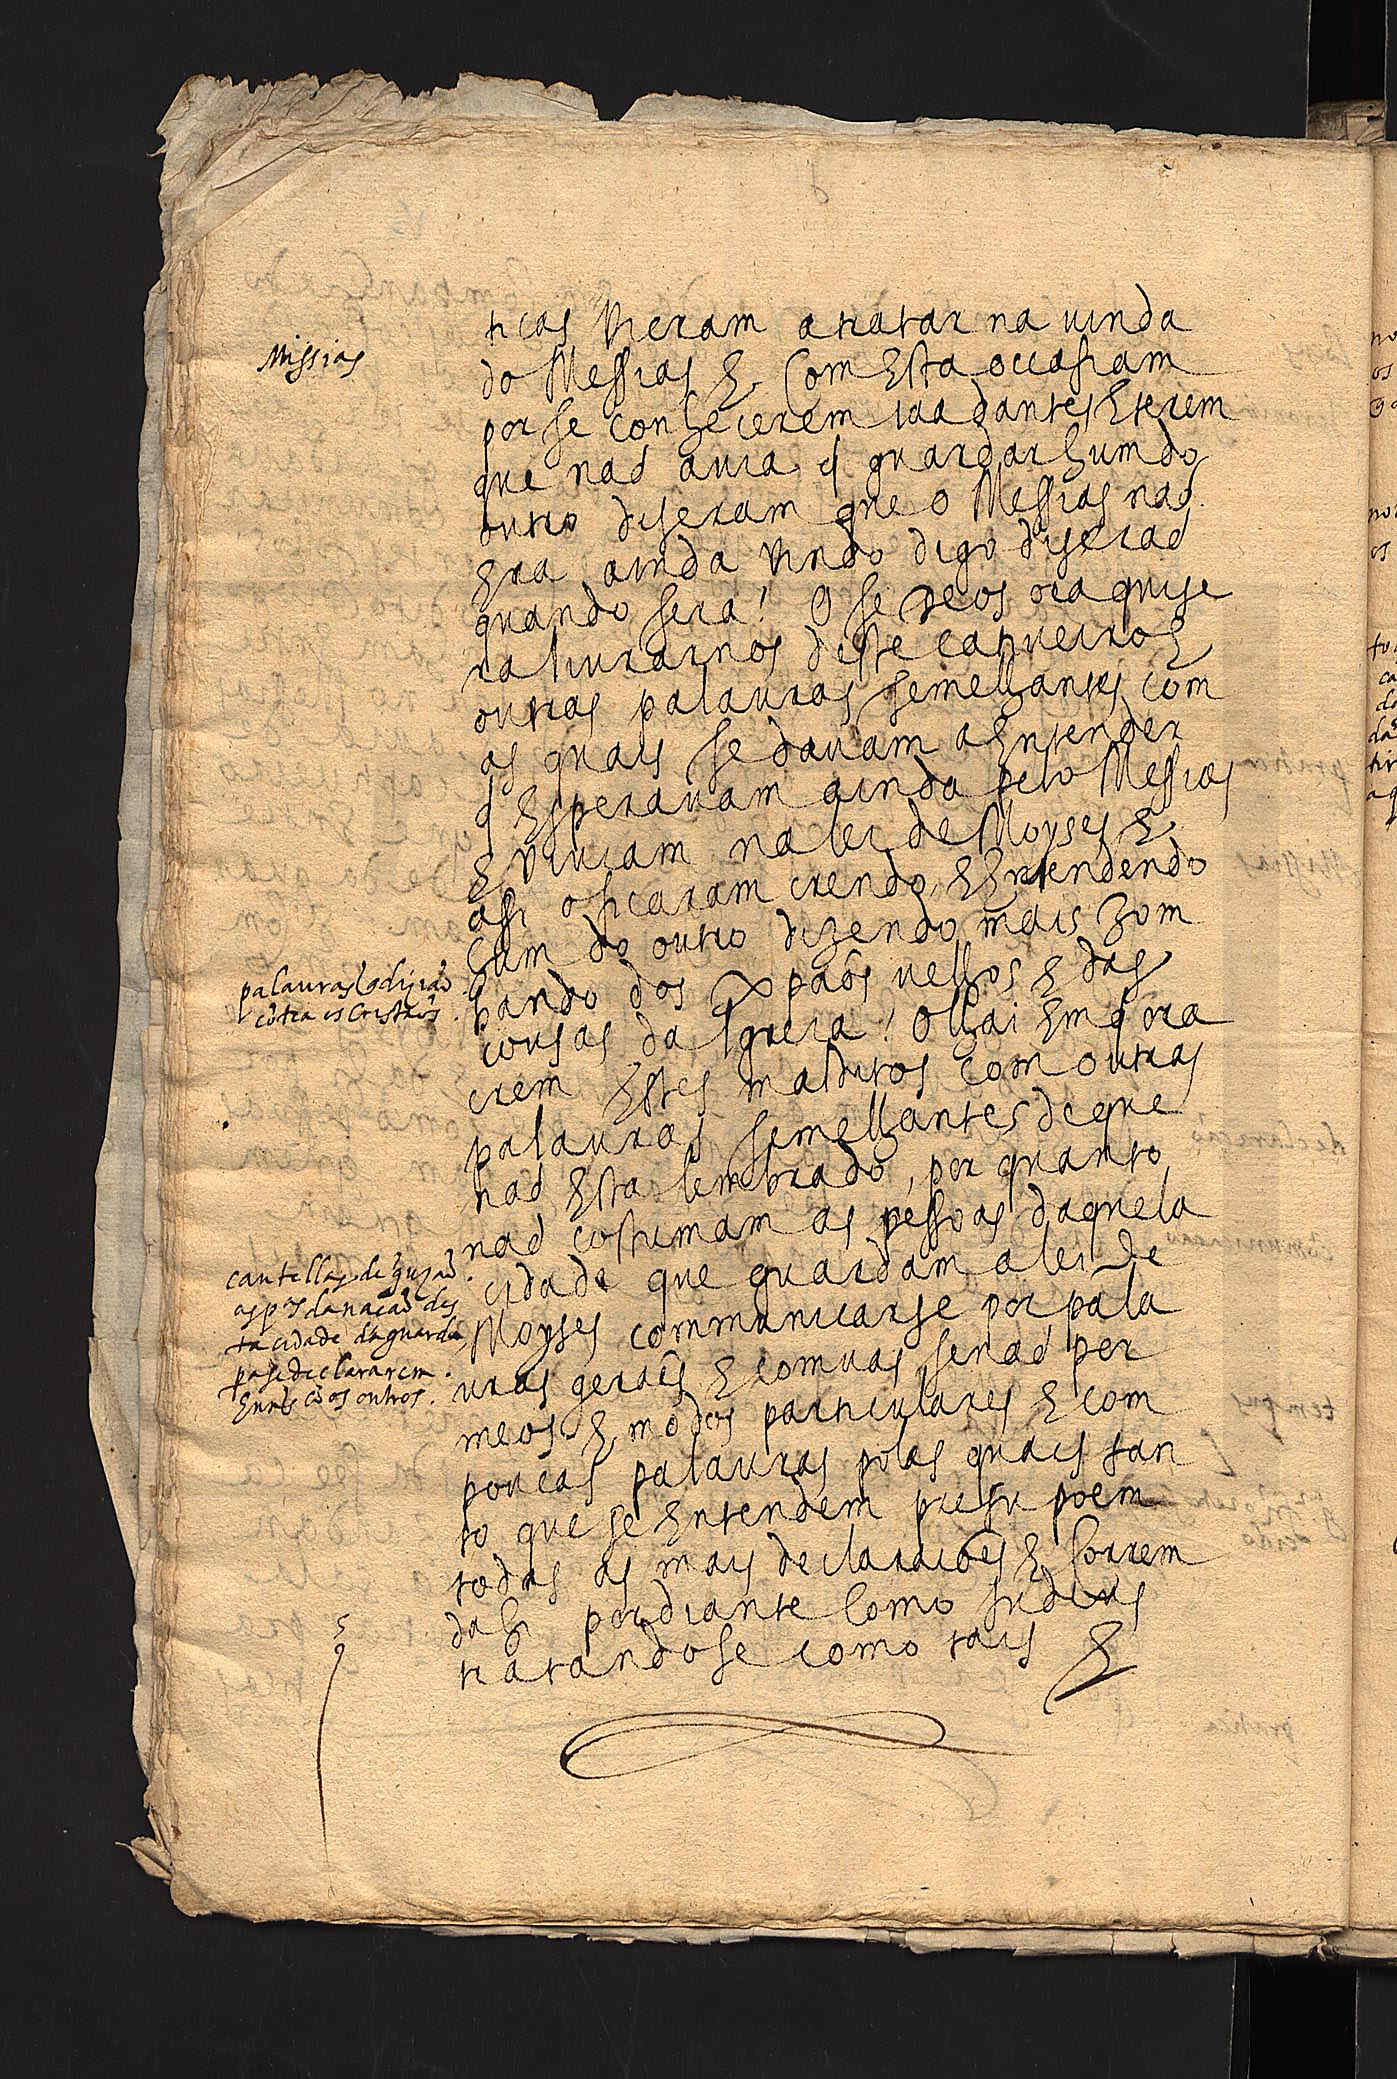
ticas vieram a tratar na uinda
do Messias E Com Esta occasiam
por se conhecerem iaa dantes E terem
que naõ auia q̄ guardar hum do
outro diseram que o Messias naõ
Era ainda vindo digo diseraõ
quendo sera? O se Deos ora quise
ra liurarnos deste catiueiro E
outras palauras semelhantes com
as quais se dauam a Entender
q̄ Esperauam ainda pelo Messias
E viuiam na lei de Moyses, E
assi o ficaram crendo, E Entendendo
hum do outro dizendo mais zom
bando dos xpaõs uelhos E das
cousas da Igreia! Olhai Em q̄ ora
crem Estes malditos com outras
palauras semelhantes de que
naõ Esta lembrado, por quanto
naõ costumam as pessoas daquela
cidade que guardam a lei de
Moyses communicarse por pala
uras geraēs E comuas senaõ per
meos E modos particulares E com
poucas palauras polas quais tan
to que se Entendem presupoem
todas as mais declaracões E Correm
dahi por diante como Judeus
tratandose como tais E
